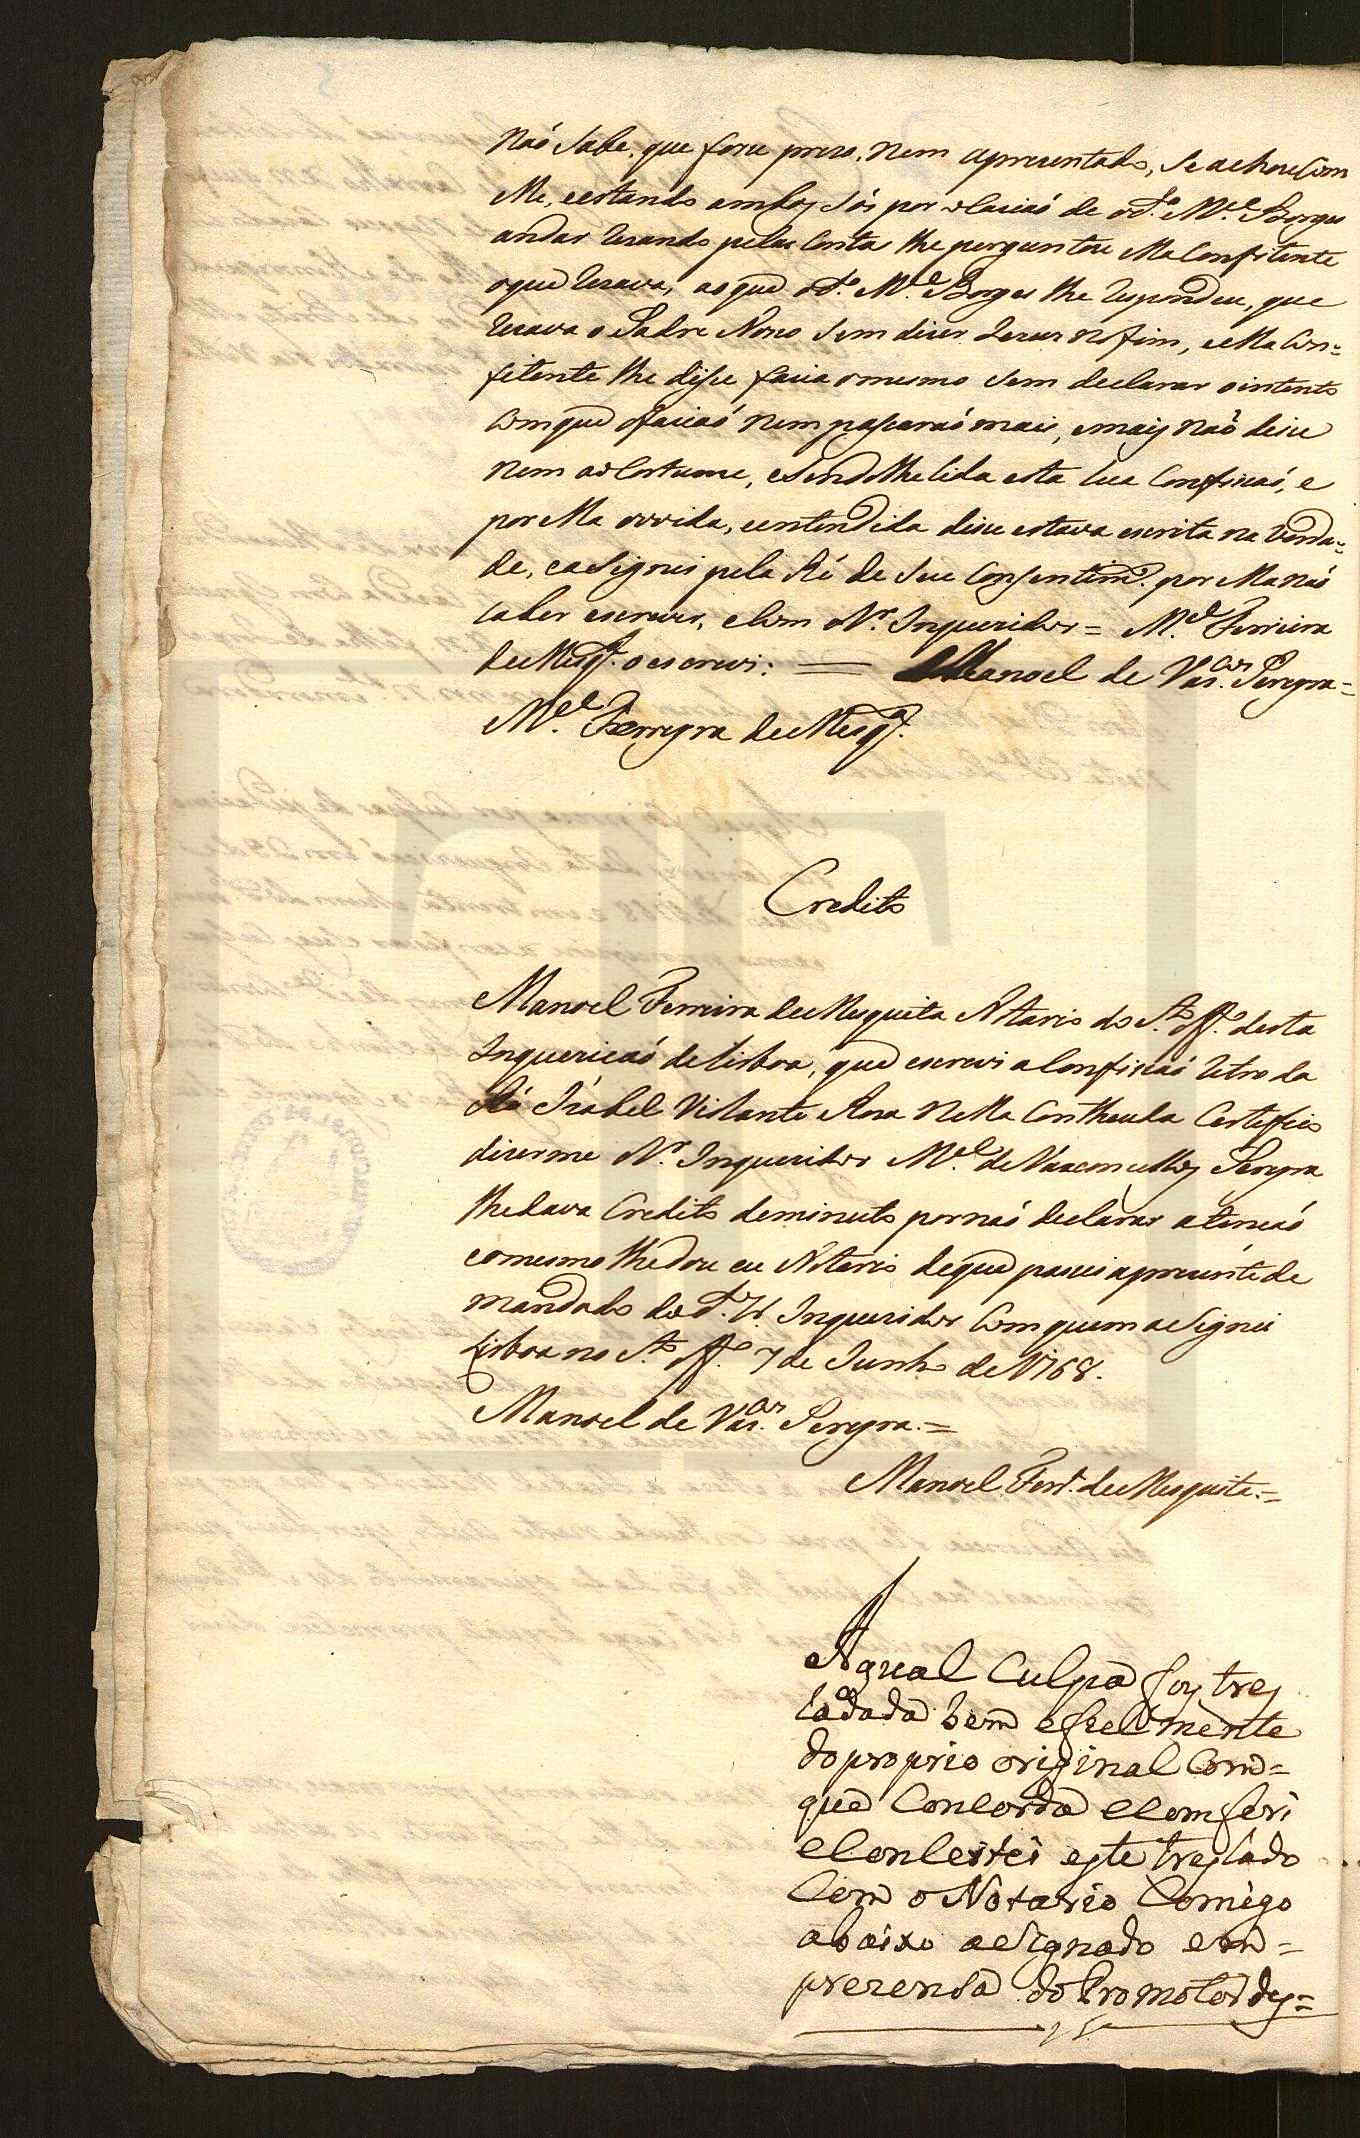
naõ sabe que fosse prezo, nem aprezentado, se achou com
elle, e estando ambos sós por oCaziaõ de o d̄.o M.e Borges
andar Rezando pelas conta lhe perguntou ella confitente
o que Rezava, ao que o d̄.o M.e Borges lhe Respondeu, que
Rezava o Padre Nosso sem dizer Iezus no fim, e ella con
fitente lhe disse fazia o mesmo sem declarar o intento
com que o faziaõ nem passaraõ mais, e mais naõ disse
nem ao Costume, e sendolhe lida esta sua Confissaõ, e
por ella ouvida, e entendida disse estava escrita na verda
de, e asignei pela Ré de seu Consentim.to por ella naõ
saber escrever, e Com o s.r Inquizidor = M.el Ferreira
de Mesq.ta o escreui:
Manoel de Vas.cos Pereyra.
M.el Ferreyra de Mesq.ta
Credito
Manoel Ferreira de Mesquita Notario do S.to off.o desta
Inqueziçaõ de Lisboa, que escrevi a Confissaõ Retro da
Ré Izabel Viotante Roza nella Contheuda Certifico
dizerme o S.r Inquizidor M.el de Vasconcellos Pereyra
lhe dava Credito deminuto por naõ declarar a tençaõ
e o mesmo lhe dou eu Notario de que passei a prezente de
mandado do d̄.o Sr. Inquizidor Com quem asignei
Lisboa no S.to off.o 7 de Iunho de i768.
Manoel de Vas.os Perejra =
Manoel Ferr.a de Mesquita.=
A qual Culpa foy tres
ladada bem e fielmente
do proprio original com
que concorda e comferi
e concertei este treslado
Com o Notario Comigo
abaixo asignado em
prezensa do Promotor des
